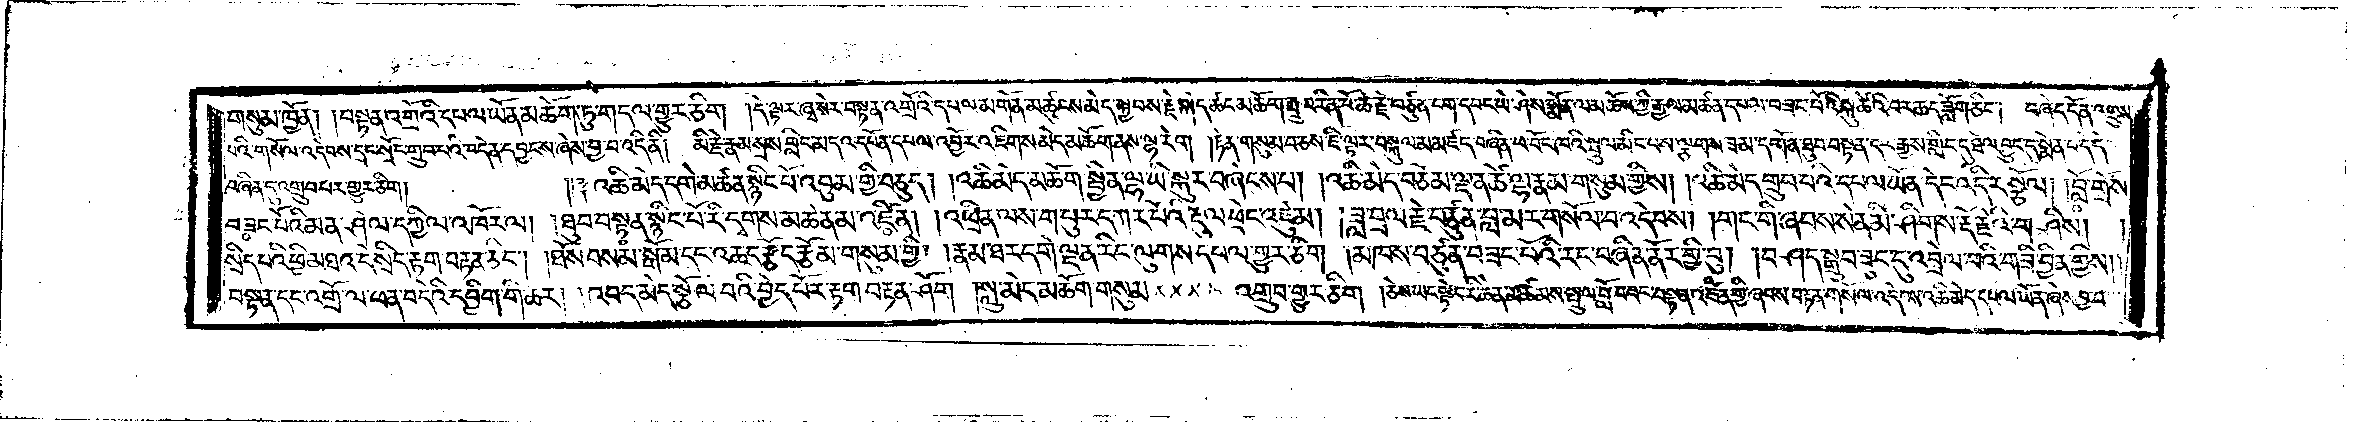གསུམ་བྱོན། །བསྟན་འགྲོའི་དཔལ་ཡོན་མཆོག་ཏུ་གདལ་གྱུར་ཅིག །དེ་ལྟར་ཞྭ་སེར་བསྟན་འགྲོའི་དཔལ་མགོན་མཚུངས་མེད་སྒྱབས་རྗེ་སྐེད་ཚང་མཆོག་སྤྲུལ་རིན་པོ་ཆེ་རྗེ་བཙུན་ངག་དབང་ཕེ་ཤེས་སྨོན་ལམ་ཆོས་ཀྱི་རྒྱལ་མཚན་དཔལ་བཟང་པོའི་སྐུ་ཚེའི་བར་ཆད་ཟློག་ཅིང་། བཞེད་དོན་འགྲུབ་
བའི་གསོལ་འདེབས་དྲང་སྲོང་གྲུབ་པའི་བདེན་དབྱངས་ཞེས་བྱ་བ་འདི་ནི། མི་རྗེ་རྣམ་སྲས་བླིང་མདའ་དབོན་དཔལ་འབྱོར་འཇིགས་མེད་མཆོག་ནས་ལྷ་རེག །རྟེན་གསུམ་བཅས་ཇི་ལྟར་བསྐུལ་མ་མཛད་བཞིན་ཕ་བོང་ཁའི་སྤྲུལ་མིང་པས་ལྕགས་ཟམ་དགོན་ཐུབ་བསྟན་དར་རྒྱས་གླིང་དུ་ཐོལ་བྱུང་དུ་སྨོན་པ་དེ་དེ་
བཞིན་དུ་འགྲུབ་པར་གྱུར་ཅིག། །། ༈ འཆི་མེད་དགེ་མཚན་སྙིང་པོ་འབུམ་གྱི་བཅུད། །འཆི་མེད་མཆོག་སྦྱིན་ལྷ་ཡི་སྐུར་བཞེངས་པ། །འཆི་མེད་བཅོམ་ལྡན་ཚེ་ལྷ་རྣམ་གསུམ་གྱིས། །འཆི་མེད་གྲུབ་པའི་དཔལ་ཡོན་དེང་འདིར་སྩོལ། །བློ་གྲོས་
བཟང་པོའི་མན་ཤེལ་དཀྱིལ་འཁོར་ལ། །ཐུབ་བསྟན་སྙིང་པོ་རི་དྭགས་མཚན་མ་འཛིན། །འཕྲིན་ལས་ག་པུར་དཀར་པོའི་རྡུལ་ཕྲེང་འཛུམ། །ཟླ་བྲལ་རྗེ་བཙུན་བླ་མར་གསོལ་བ་འདེབས། །གང་གི་ཞབས་སེན་མི་ཤིགས་རྡོ་རྗེའི་གཤིས། །
སྲིད་པའི་ཕྱི་མཐའ་དེ་སྲིད་རྟག་བརྟན་ཅིང་། །ཐོས་བསམ་སྒོམ་དང་འཆང་རྩོད་རྩོམ་གསུམ་གྱི། །རྣམ་ཐར་དགེ་ལྡན་རིང་ལུགས་དཔལ་གྱུར་ཅིག །མཁས་བཙུན་བཟང་པོའི་རང་བཞིན་ནོར་གྱི་བུ། །བཤད་སྒྲུབ་བཟུང་དུ་འབྲེལ་བའི་གཟི་བྱིན་གྱིས།།
བསྟན་དང་འགྲོ་ལ་ཕན་བདེའི་དབྱིག་གི་ཆར། །འབད་མེད་སྩོལ་བའི་བྱེད་པོར་རྟག་བརྟན་ཤོག །སླུ་མེད་མཆོག་གསུམ་྾྾྾་འགྲུབ་གྱུར་ཅིག །ཅེས་ཡང་སྟེང་རི་ཆེན་མཚམས་སྤྲུལ་བློ་བཟང་བསྟན་འཛིན་གྱི་ཞབས་བརྟན་གསོལ་འདེབས་འཆི་མེད་དཔལ་ཡོན་ཞེས་བྱ་བ་